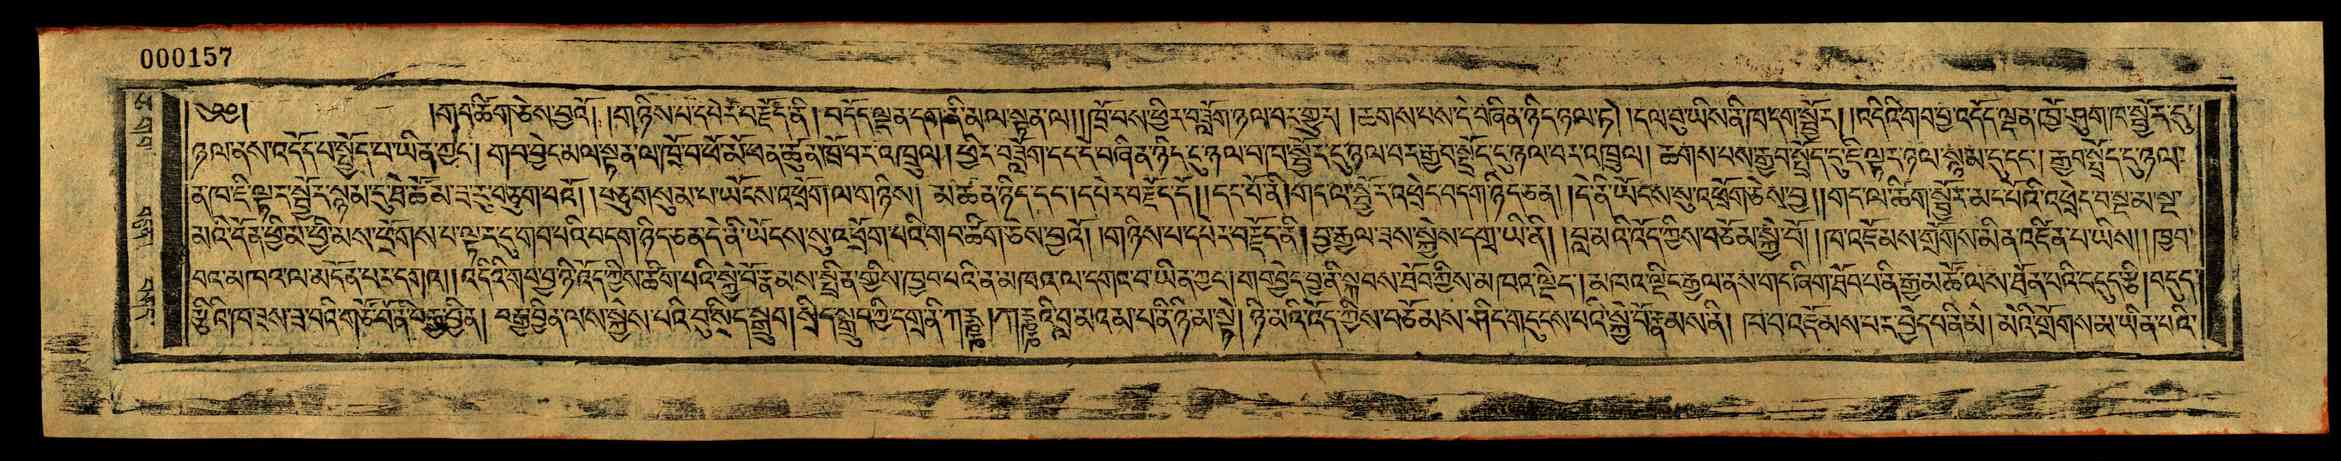༄༅། །གབ་ཚིག་ཅེས་བྱའོ། །གཉིས་པ་དཔེར་བརྗོད་ནི། འདོད་ལྡན་དག་ནི་མ་ལ་སྟན་ལ། །ཁྲོ་བས་ཕྱིར་བཟློག་ཉལ་བར་གྱུར། །ཆགས་པས་དེ་བཞིན་ཉིད་ཉལ་ཏེ། །དལ་བུ་ཡིས་ནི་ཁ་དག་སྦྱོར། །འདིའི་གབ་བྱ་འདོད་ལྡན་ཁྱོ་ཤུག་ཁ་སློར་དུ་
ཉལ་ནས་འདོད་པ་སྤྱོད་པ་ཡིན་ཀྱང་། གབ་བྱེད་མལ་སྟན་ལ་ཁྲོ་བ་ཕོ་མོ་ཕན་ཚུན་ཁྲོ་བར་འཕྲུལ། ཕྱིར་བཟློག་དང་དེ་བཞིན་ཉིལ་དུ་ཉལ་བ་ཁ་སྦྱོར་དུ་ཉལ་བར་རྒྱབ་སྤྲོད་དུ་ཉལ་བར་འཁྲུལ། ཆགས་པས་རྒྱབ་སྤྲོད་དུ་ཇི་ལྟར་ཉལ་སྙམ་དུ་དང་། རྒྱབ་སྤྲོད་དུ་ཉལ་
ན་ཁ་ཇི་ལྟར་སྦྱོར་སྙམ་དུ་ཐེ་ཚོམ་ཟ་རུ་བཅུག་པའོ། །བཅུ་གསུམ་པ་ཡངས་འཕྲོག་ལ་གཉིས། མཚན་ཉིད་དང་། དཔེར་བརྗོད་དོ། །དང་པོ་ནི། གང་ལ་སྦྱོར་འཕྲེང་བདག་ཉིད་ཅན། །དེ་ནི་ཡོངས་སུ་འཕྲོག་ཅེས་བྱ། །གང་ལ་ཚིག་སྦྱོར་མང་པོའི་འཕྲེང་བ་སྔ་མ་སྔ་
མའི་དོན་ཕྱི་མ་ཕྱི་མས་ཕྲོགས་པ་ལྟར་དུ་གས་པའི་བདག་ཉིད་ཅན་དེ་ནི་ཡོངས་སུ་འཕྲོག་པའི་གབ་ཚིག་ཅེས་བྱའོ། །གཉིས་པ་དཔེར་བརྗོད་ནི། བྱ་རྒྱལ་ཟས་སྐྱེས་དགྲ་ཡི་ནི། །བླ་མའི་འོད་ཀྱིས་བཅོམ་སྐྱེ་བོ། །ཁ་འཇོམས་གྲོགས་མིན་འཛིན་པ་ཡིས། །ཁྱབ་
པའི་མཁའ་ལ་མངོན་པར་དགའ། །འདིའི་གབ་བྱ་ཉི་འོད་ཀྱིས་ཚིག་པའི་སྐྱེ་བོ་རྣམས་སྤྲིན་གྱིས་ཁྱབ་པའི་ནམཁའ་ལ་དགའ་བ་ཡིན་ཀྱང་། གབ་བྱེད་བྱ་ནི་སྐབས་ཐོབ་ཀྱིས་མཁའ་ལྡིང་། མཁའ་ལྡིང་རྒྱལ་ནས་གང་ཞིག་ཐོབ་པ་ནི་རྒྱ་མཚོ་ལས་ཐོན་པའི་བདུད་རྩི། བདུད་
རྩིའི་ཁ་ཟས་ཟ་བའི་གཙོ་བོ་ནི་བརྒྱ་བྱིན། བརྒྱ་བྱིན་ལས་སྐྱེས་པའི་བུ་སྲིད་སྒྲུབ། སྲིད་སྒྲུབ་ཀྱི་དགྲ་ནི་ཀངྞྞ། ཀྔྞྞའི་བླ་མའམ་པ་ནི་ཉི་མ་སྟེ། ཉི་མའི་འོད་ཀྱིས་བཅོམས་ཤིང་གདུངས་པའི་སྐྱེ་བོ་རྣམས་ནི། ཁ་བ་འཇོམས་པར་བྱེད་པ་ནི་མེ། མེའི་གྲོགས་མ་ཡིན་པའི་